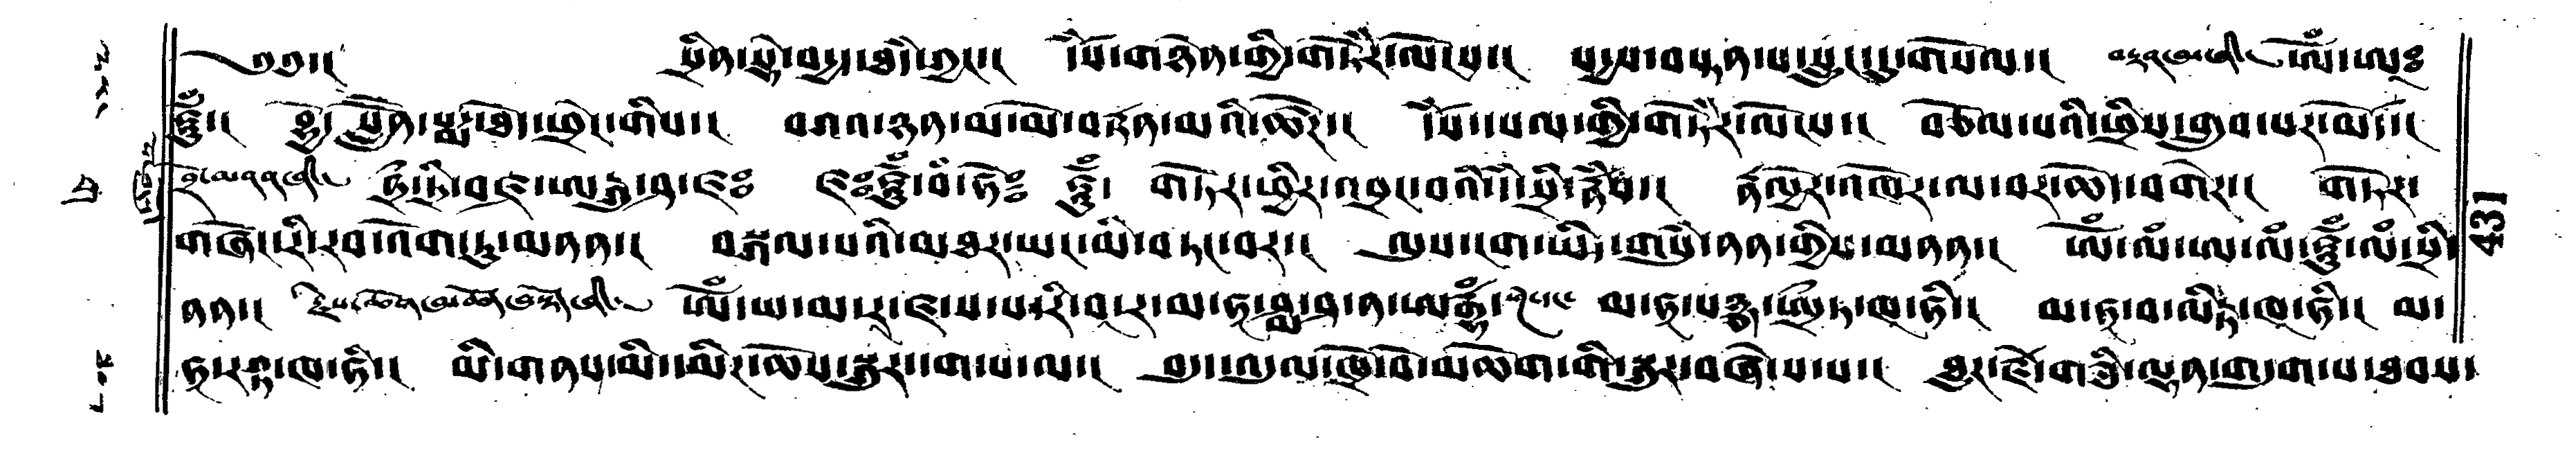སྲིན་སྡེ་བརྒྱད་ཐམས་ཅད་ཀྱང་། །དམ་རྫས་གཉེན་གྱི་གཏོར་མ་ལོངས། །སངས་རྒྱས་བསྟན་པ་སྲུང་དུ་གསོལ། ། བརྟན་མ་ནི། ཨོཾ་ཨཱཿ
ཧཱུྃ། བྷྱོ། སློབ་དཔོན་པདྨ་ཐོད་ཕྲེང་གི །བཀའ་ཉན་མ་མོ་བརྟན་མའི་ཚོགས། །དམ་རྫས་དཔལ་གྱི་གཏོར་མ་ལོངས། །བཅོལ་པའི་ཕྲིན་ལས་སྒྲུབ་པར་མཛོད། ། 
བྲོ་མནན་ནི། ནྲྀ་ཏྲི་བཛྲ་ཨངྐུ་ཤ་ཛཿ ཛཿཧཱུྃ་བཾ་ཧོཿ ཧཱུྃ། གཏོར་ཕྱིར་འབྲང་བའི་དམ་སྲི་རྣམས། །རྣལ་འབྱོར་འཁོར་ལ་བར་གཅོད་བགེགས། །གཏོར་
གཞོང་རི་རབ་འོག་ཏུ་མནན། །བསྐལ་པའི་མཐར་ཡང་མི་གཏོང་བར། །ལུས་ངག་ཡིད་གསུམ་ནན་གྱིས་མནན། །ཨོཾ་ལཾ་ཨ་ལཾ་ཧཱུྃ་ལཾ་སྲི་
ནན། རྗེས་ཆོག་མཆོད་བསྟོད་ནི། ཨོཾ་ཡ་མ་རཱ་ཛ་ས་པ་རི་བཱ་ར་མ་ཧཱ་ཤྨ་ཤ་ན་ཨརྒྷཾ་སོགས་དང་། མ་ཧཱ་པཉྩ་ཨ་མྲིཏ་ཁཱ་ཧི། མ་ཧཱ་བ་ལིངྟ་ཁཱ་ཧི། མ་
ཧཱ་རཀྟ་ཁ་ཧི། མི་གནས་མི་དམིགས་ཆོས་སྐུར་དག་པ་ལ། །བདུད་འདུལ་ཁྲོ་བོ་མཆོག་གི་སྐུར་བཞེངས་པ། །ཐུགས་རྗེ་གཟི་ལྡན་གདུག་པ་ཐབས་